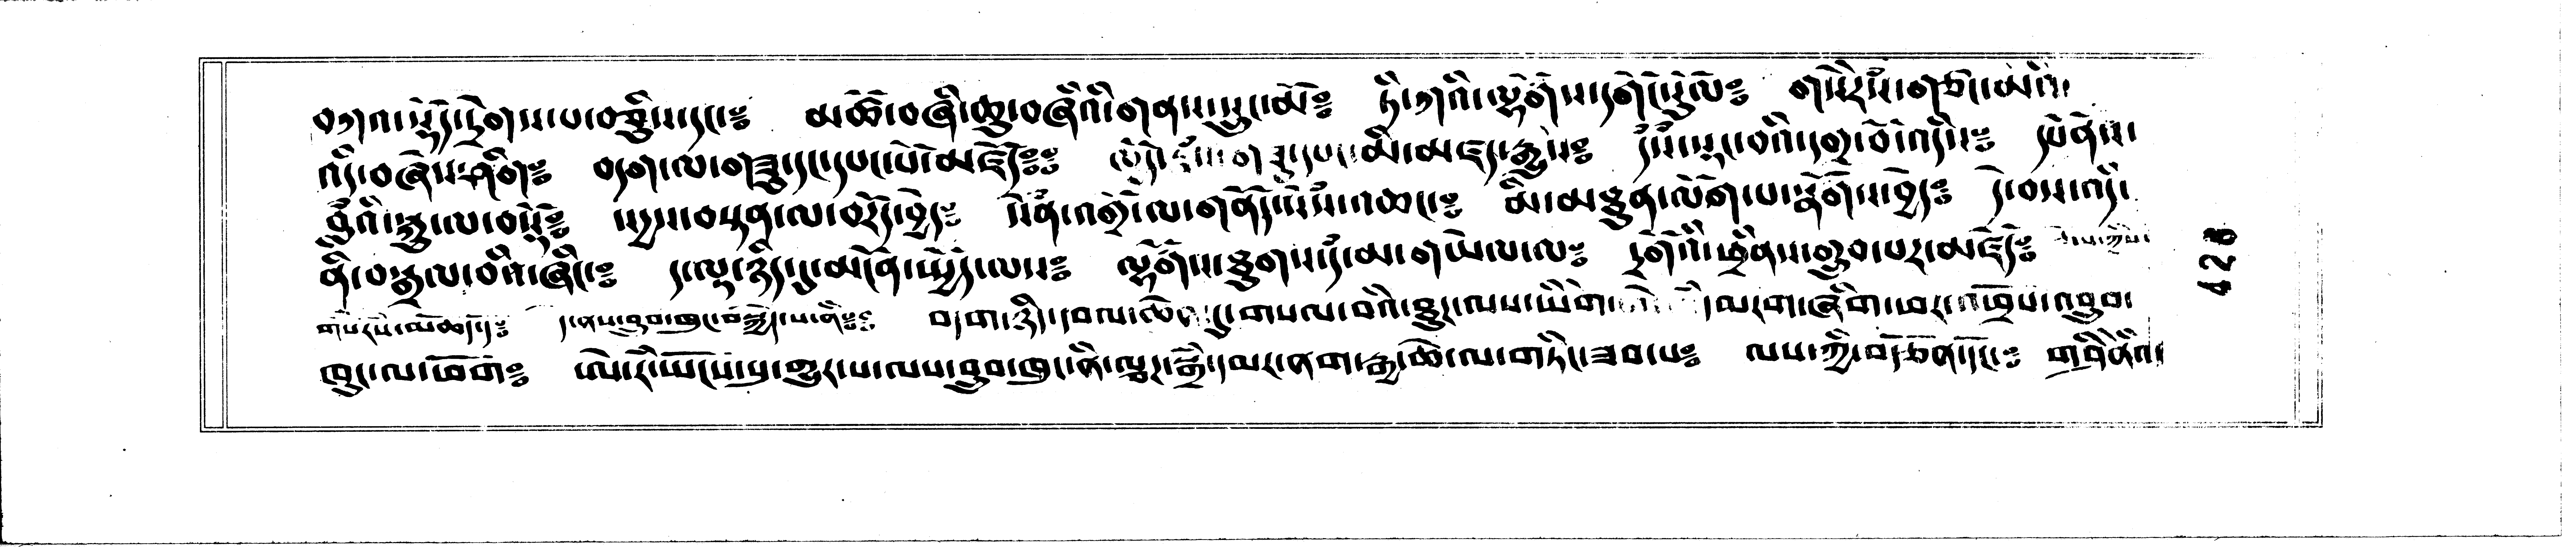བཀའ་སྡོད་དྲེགས་པ་བཅུ་གཉིས་དང་༔མཚོ་བཞི་ཆུ་བཞིའི་གནས་སྲུང་མོ༔ཏི་ཀའི་ལྷ་ཚོགས་དགོངས་སུ་གསོལ༔གསེར་སྐྱེམས་གཙང་མ་
འདི་བཞེས་ཤིག༔བདག་ལ་གཟུ་དང་དཔང་པོ་མཛོད༔ཁྱེད་རྣམས་གཟུ་དཔང་མི་མཛད་རྒྱུས༔དམ་ཉམས་སྡང་བའི་དགྲ་བོ་འདིས༔དཔོན་གསས་
བླ་མའི་སྐུ་ལ་བསྡོ༔སངས་རྒྱས་བསྟན་ལ་བར་ཆོད་བྱེད༔སེམས་ཅན་འགྲོ་ལ་གནོད་སེམས་འཆང༔མི་མཐུན་ལོག་པ་སྣ་ཚོགས་བྱེད༔དེ་བས་འདི་
ནི་བསྒྲལ་བའི་ཞིང་༔ད་ལྟ་ཉིད་དུ་མངོན་སྤྱོད་ལས༔ལྷ་ཚོགས་ཐུགས་དམ་མ་གཡེལ་ལ༔དྲག་པོའི་ཕྲིན་ལས་གྲུབ་པར་མཛོད༔ཅེས་ཀྱིས་
གསེར་སྐྱེམས་མཆོད་དོ༔དེ་ནས་བྲུབ་ཁུང་བསྐྱེད་པ་ནི༔བདག་ཉིད་དབལ་ཆེན་དུ་གསལ་བའི་ཐུགས་ལས་ཡི་གེ་ཨེ་རཾ་དམརག་ཞིག་ཕར་འཕྲོས་འབྲུབ་
ཁུང་ལ་ཕོག༔ཨེ་རཾ་ཡོངས་སུ་གྱུར་པ་ལས་འབྲུབ་ཁུང་ནི་ལྕགས་སྒྲམ་དམར་ནག་རྒྱ་ཆེ་ལ་གཏིང་ཟབ་པ༔ལས་ཀྱི་བཙོན་དོང་༔གཤིན་རྗེའི་